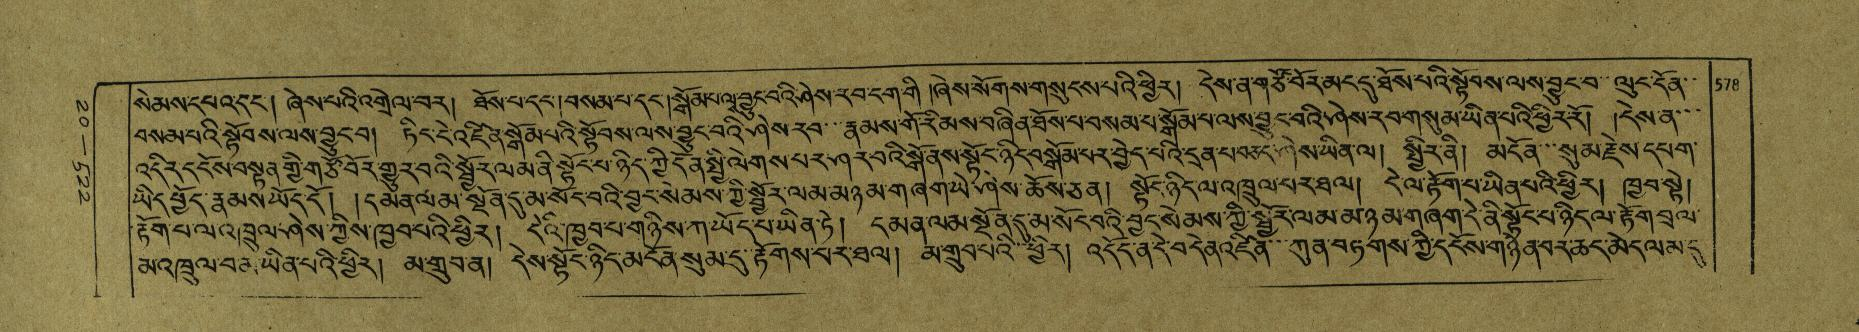སེམས་དཔའ་དང་། ཞེས་པའི་འགྲེལ་བར། ཐོས་པ་དང་། བསམ་པ་དང་། སྒོམ་པ་ལས་བྱུང་བའི་ཤེས་རབ་དག་གི །ཞེས་སོགས་གསུངས་པའི་ཕྱིར། དེས་ན་གཙོ་བོར་མང་དུ་ཐོས་པའི་སྟོབས་ལས་བྱུང་བ་ལུང་དོན་
བསམ་པའི་སྟོབས་ལས་བྱུང་བ། ཏིང་ངེ་འཛིན་སྒོམ་པའི་སྟོབས་ལས་བྱུང་བའི་ཤེས་རབ་རྣམས་གོ་རིམས་བཞིན་ཐོས་པ་བསམ་པ་སྒོམ་པ་ལས་བྱུང་བའི་ཤེས་རབ་གསུམ་ཡིན་པའི་ཕྱིར་རོ། །དེས་ན་
འདིར་དངོས་བསྟན་གྱི་གཙོ་བོར་གྱུར་བའི་སྦྱོར་ལམ་ནི་སྟོང་པ་ཉིད་ཀྱི་དོན་སྤྱི་ལེགས་པར་ཤར་བའི་སྒོ་ནས་སྟོང་ཉིད་བསྒོམ་པར་བྱེད་པའི་དྲན་པ་བཅད་ཤེས་ཡིན་ལ། སྤྱིར་ནི། མངོན་སུམ་མ་རྗེས་དཔག་
ཡི་དཔྱོད་རྣམས་ཡོད་དོ། །དམན་ལམ་སྔོན་དུ་མ་སོང་བའི་བྱང་སེམས་ཀྱི་སྦྱོར་ལམ་མཉམ་གཞག་ཡེ་ཤེས་ཆོས་ཅན། སྟོང་ཉིད་ལ་འཁྲུལ་པར་ཐལ། དེ་ལ་རྟོག་པ་ཡིན་པའི་ཕྱིར། ཁྱབ་སྟེ།
རྟོག་པ་ལ་འཁྲུལ་ཤེས་ཀྱིས་ཁྱབ་པའི་ཕྱིར། དེའི་ཁྱབ་པ་གཉིས་ཀ་ཡོད་པ་ཡིན་ཏེ། དམན་ལམ་སྔོན་དུ་མ་སོང་བའི་བྱང་སེམས་ཀྱི་སྦྱོར་ལམ་མཉམ་གཞག་དེ་ནི་སྟོང་པ་ཉིད་ལ་འཁྲུལ་པར་ཐལ། དེ་ལ་རྟོག་པ་ཡིན་པའི་ཕྱིར། ཁྱབ་སྟེ།
མ་འཁྲུལ་བ་མ་ཡིན་པའི་ཕྱིར། མ་གྲུབ་ན། དེས་སྟོང་ཉིད་མངོན་སུམ་དུ་རྟོགས་པར་ཐལ། མ་གྲུབ་པའི་ཕྱིར། འདོད་ན་དེ་བདེན་འཛིན་ཀུན་བཏགས་ཀྱི་དངོས་གཉེན་བར་ཆད་མེད་ལམ་དེ་